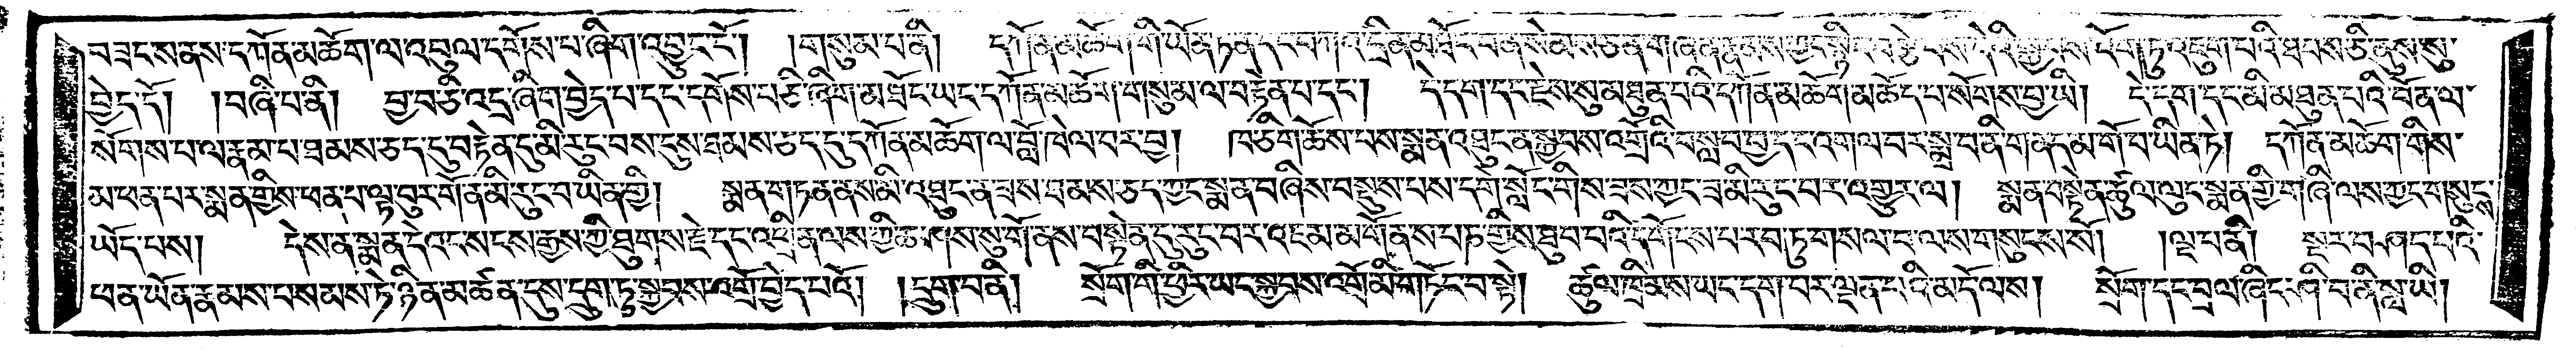བཟངས་ནས་དཀོན་མཆོག་ལ་འབུལ་དགོས་པ་ཞིག་འབྱུང་ངོ། །གསུམ་པ་ནི། དཀོན་མཆོག་གི་ཡོན་ཏན་དང་བཀའ་དྲིན་མཐོང་བ་ན་སེམས་ཅན་གཞན་རྣམས་ཀྱང་སྙིང་བརྩེ་བ་དེའི་སྐྱབས་འོག་ཏུ་འཇུག་པའི་ཐབས་ཅི་ནུས་སུ་
བྱེད་དོ། །བཞི་པ་ནི། བྱ་བ་ཅི་འདྲ་ཞིག་བྱེད་པ་དང་དགོས་པ་ཅི་ཞིག་མཐོང་ཡང་དཀོན་མཆོག་གསུམ་ལ་བརྟེན་པ་དང་། དེ་དག་དང་རྗེས་སུ་མཐུན་པའི་དཀོན་མཆོག་མཆོད་པ་སོགས་བྱ་ཡི། དེ་དག་དང་མི་མཐུན་པའི་བོན་ལ་
སོགས་པ་ལ་རྣམ་པ་ཐམས་ཅད་དུ་བརྟེན་དུ་མི་རུང་བས་དུས་ཐམས་ཅད་དུ་དཀོན་མཆོག་ལ་བློ་ཁེལ་བར་བྱ། ཁ་ཅིག་ཆོས་པས་སྨན་འཐུང་ན་སྐྱབས་འགྲོའི་བསླབ་བྱ་དང་འགལ་བར་སྨྲ་བ་ནི་གནད་མ་གོ་བ་ཡིན་ཏེ། དཀོན་མཆོག་གིས་
མ་ཕན་པར་སྨན་གྱིས་ཕན་པ་ལྟ་བུར་གོ་ན་མི་རུང་བ་ཡིན་གྱི། སྨན་གཏན་ནས་མི་འཐུང་ན་ཟས་ཐམས་ཅད་ཀྱང་སྨན་བཞིས་བསྡུས་པས་དགེ་སློང་གིས་ཟས་ཀྱང་ཟ་མི་རུང་བར་འགྱུར་ལ། སྨན་བསྟེན་ཚུལ་ལུང་སྨན་གྱི་གཞི་ལས་ཀྱང་གསུངས་
ཡོད་པས། དེས་ན་སྨན་དེའང་སངས་རྒྱས་ཀྱི་ཐུགས་རྗེ་དང་འཕྲིན་ལས་ཀྱི་ཆ་ཤས་སུ་གོ་ནས་བསྟེན་དུ་རུང་བར་འཇམ་མགོན་ས་པཎ་གྱིས་ཐུབ་པའི་དགོངས་པ་རབ་ཏུ་གསལ་བ་ལས་གསུངས་སོ། །ལྔ་པ་ནི། སྔར་བཤད་པའི་
ཕན་ཡོན་རྣམས་བསམས་ཏེ་ཉིན་མཚན་དུས་དྲུག་ཏུ་སྐྱབས་འགྲོ་བྱེད་བའོ། །དྲུག་པ་ནི། སྲོག་གི་ཕྱིར་ཡང་སྐྱབས་འགྲོ་མི་གཏོང་བ་སྟེ། ཚུལ་ཁྲིམས་ཡང་དག་པར་ལྡན་པའི་མདོ་ལས། སྲོག་དང་བྲལ་ཞིང་ཤི་བ་ནི་སླ་ཡི།